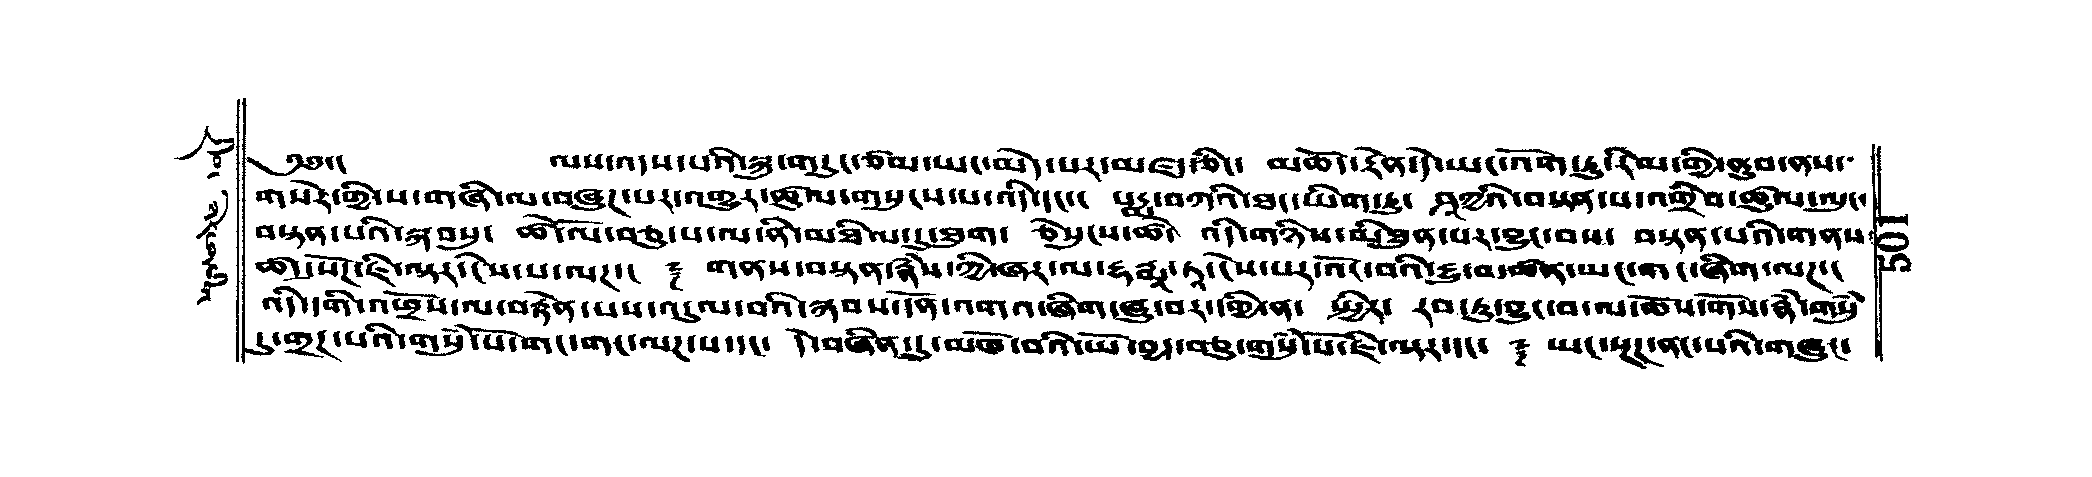ལས་འདས་པའི་སྐུ་གདུང་ཙམ་ཡང་མེད་པར་མཛད་ཅིང་། མཆོད་རྟེན་དེ་ཡང་འོག་ཏུ་རིམ་གྱི་ནུབ་ནས་
གསེར་གྱི་ས་གཞི་ལ་བཞུགས་པར་འགྱུར་ཚུལ་གསུངས་པ་འདི་དང་། པདྨ་བཀའི་ཐང་ཡིག་ཏུ། ཤཱཀྱའི་བསྟན་པ་འགྲིབ་ཚུལ་ལུང་
བསྟན་པའི་སྐབས་སུ། ཚེ་ལོ་བཅུ་པ་ལ་ནི་མཐིལ་དུ་ཐུག ཅེས་གསུངས་ཚེ། འདི་གཉིས་མི་མཐུན་པར་བྱུང་བས། བསྟན་པའི་གནས་྄
ཚད་སོགས་ཇི་ལྟར་ངེས་པ་ལགས། ༈ གནས་བསྟན་རྣམས་ཀྱི་ཞར་ལ་དྷརྨཱ་ཏཱ་ངེས་པར་འོང་བའི་རྒྱུ་མཚན་ཡང་གང་ཞིག་ལགས།
འདི་དག་གི་འཕྲོས་ལ་བརྟེན་པས་འདུལ་བའི་སྐབས་དོན་འགའ་ཞིག་ཞུ་བར་བགྱི་ན། སྤྱིར། རབ་ཏུ་བྱུང་བ་ལ་ཆོས་གོས་རྣམ་གསུམ་
དུ་གྲགས་པའི་གསུམ་པོ་གང་གང་ལགས་པ་དང་། དེ་བཞིན་དུ་མཁོ་བའི་ཡོ་བྱད་བཅུ་གསུམ་པོ་ཇི་ལྟར་དང་། ཡང་སྔགས་ནང་པའི་གཞུང་